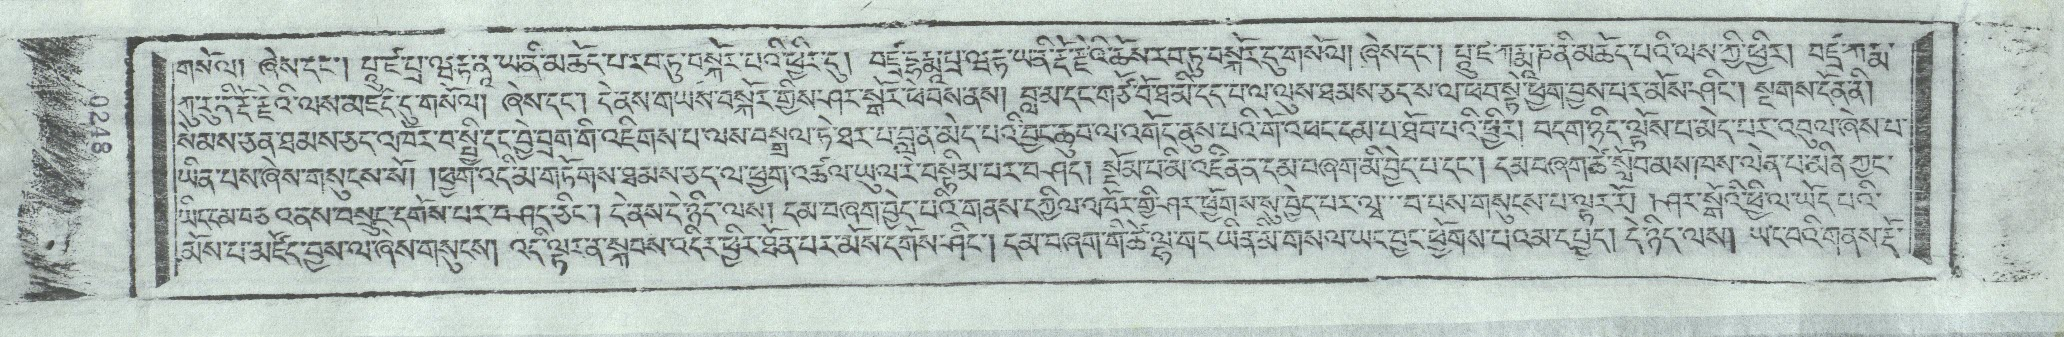གསོལ། ཞེས་དང་། པཱུ་ཛ་པྲ་ཝརྟ་ནཱ་ཡ་ནི་མཆོད་པ་རབ་ཏུ་བསྐོར་པའི་ཕྱིར་དུ། བཛྲ་དྷརྨཱ་པྲ་ཝརྟ་ཡ་ནི་རྡོ་རྗེའི་ཆོས་རབ་ཏུ་བསྐོར་དུ་གསོལ། ཞེས་དང་། པཱུ་ཛ་ཀརྨཱ་ཎ་ནི་མཆོད་པའི་ལས་ཀྱི་ཕྱིར། བཛྲ་ཀརྨ་
ཀུ་རུ་ནི་རྡོ་རྗེའི་ལས་མཛད་དུ་གསོལ། ཞེས་དང་། དེ་ནས་གཡས་བསྐོར་གྱིས་ཤར་སྒོར་ཕེབས་ནས། བླ་མ་དང་གཙོ་བོ་ཐ་མི་དད་པ་ལ་ལུས་ཐམས་ཅད་ས་ལ་ཕབ་སྟེ་ཕྱག་བྱས་པར་མོས་ཤིང་། སྔགས་དོན་ནི།
སེམས་ཅན་ཐམས་ཅད་འཁོར་བ་སྤྱི་དང་བྱེ་བྲག་གི་འཇིགས་པ་ལས་བསྒྲལ་ཏེ་ཐར་པ་བླ་ན་མེད་པའི་བྱང་ཆུབ་ལ་འགོད་ནུས་པའི་གོ་འཕང་དམ་པ་ཐོབ་པའི་ཕྱིར། བདག་ཉིད་ལྟོས་པ་མེད་པར་འབུལ་ཞེས་པ་
ཡིན་པས་ཞེས་གསུངས་སོ། །ཕྱག་འདི་མ་གཏོགས་ཐམས་ཅད་ལ་ཕྱག་འཚལ་ཡུལ་རེ་བསྟིམ་པར་བཤད། སྡོམ་པ་མི་འཛིན་ན་དམ་བཞག་མི་བྱེད་པ་དང་། དམ་བཞག་ཚེ་སློབ་མས་ཁས་ལེན་པ་མིན་ཀྱང་
ཡིད་དམ་བཅའ་ནས་བསྲུང་དགོས་པར་བཤད་ཅིང་། དེ་ནས་དེ་ཉིད་ལས། དམ་བཞག་བྱེད་པའི་གནས་དཀྱིལ་འཁོར་གྱི་ཤར་ཕྱོགས་སུ་བྱེད་པར་ལྭ་བ་པས་གསུངས་པ་ལྟར་རོ། །ཤར་སྒོའི་ཕྱི་ལ་ཡོད་པའི་
མོས་པ་མཛོད་བྱས་ལ་ཞེས་གསུངས། འདི་ལྟར་ན་སྐབས་འདིར་ཕྱིར་ཐོན་པར་མོས་དགོས་ཤིང་། དམ་བཞག་གི་ཚེ་ལྷ་གང་ཡིན་མི་གསལ་ཡང་བྱང་ཕྱོགས་པའམ་དཔྱད། དེ་ཉིད་ལས། ཡང་བའི་གནས་རྡོ་